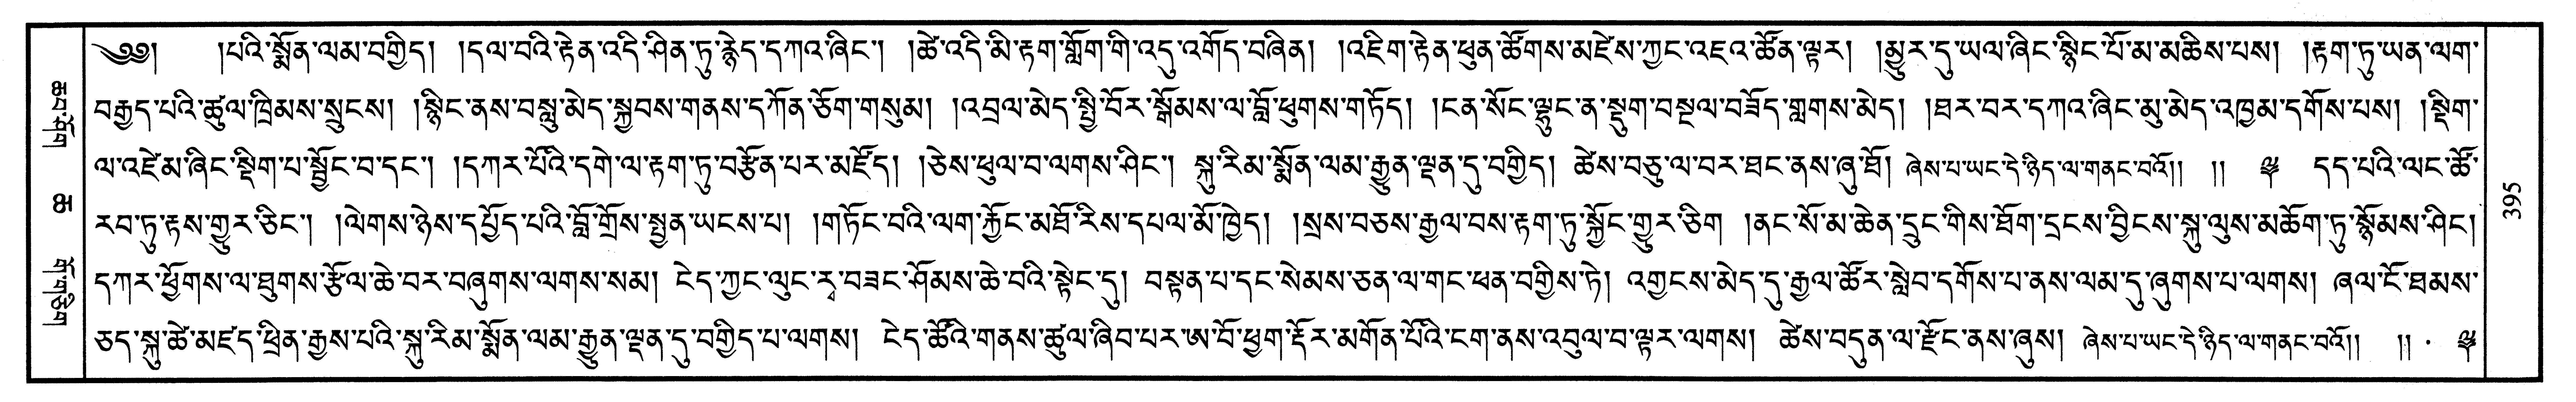༄༅། །པའི་སྨོན་ལམ་བགྱིད། །དལ་བའི་རྟེན་འདི་ཤིན་ཏུ་རྙེད་དཀའ་ཞིང་། །ཚེ་འདི་མི་རྟག་གློག་གི་འདུ་འགོད་བཞིན། །འཇིག་རྟེན་ཕུན་ཚོགས་མཛེས་ཀྱང་འཇའ་ཚོན་ལྟར། །མྱུར་དུ་ཡལ་ཞིང་སྙིང་པོ་མ་མཆིས་པས། །རྟག་ཏུ་ཡན་ལག་
བརྒྱད་པའི་ཚུལ་ཁྲིམས་སྲུངས། །སྙིང་ནས་བསླུ་མེད་སྐྱབས་གནས་དཀོན་ཅོག་གསུམ། །འབྲལ་མེད་སྤྱི་བོར་སྒོམས་ལ་བློ་ཕུགས་གཏོད། །ངན་སོང་ལྷུང་ན་སྡུག་བསྔལ་བཟོད་གླགས་མེད། །ཐར་བར་དཀའ་ཞིང་མུ་མེད་འཁྱམ་དགོས་པས། །སྡིག་
ལ་འཛེམ་ཞིང་སྡིག་པ་སྦྱོང་བ་དང་། །དཀར་པོའི་དགེ་ལ་རྟག་ཏུ་བརྩོན་པར་མཛོད། །ཅེས་ཕུལ་བ་ལགས་ཤིང་། སྐུ་རིམ་སྨོན་ལམ་རྒྱུན་ལྡན་དུ་བགྱིད། ཚེས་བཅུ་ལ་བར་ཐང་ནས་ཞུ་ཐོ། ཞེས་པ་ཡང་དེ་ཉིད་ལ་གནང་བའོ།། །། ༈ དད་པའི་ལང་ཚོ་
རབ་ཏུ་རྟས་གྱུར་ཅིང་། །ལེགས་ཉེས་དཔྱོད་པའི་བློ་གྲོས་སྤྱན་ཡངས་པ། །གཏོང་བའི་ལག་རྐྱོང་མཐོ་རིས་དཔལ་མོ་ཁྱེད། །སྲས་བཅས་རྒྱལ་བས་རྟག་ཏུ་སྐྱོང་གྱུར་ཅིག །ནང་སོ་མ་ཆེན་དྲུང་གིས་ཐོག་དྲངས་བྱིངས་སྐུ་ལུས་མཆོག་ཏུ་སྙོམས་ཤིང་།
དཀར་ཕྱོགས་ལ་ཐུགས་རྩོལ་ཆེ་བར་བཞུགས་ལགས་སམ། ངེད་ཀྱང་ལུང་རྭ་བཟང་ཤོམས་ཆེ་བའི་སྟེང་དུ། བསྟན་པ་དང་སེམས་ཅན་ལ་གང་ཕན་བགྱིས་ཏེ། འགྱངས་མེད་དུ་རྒྱལ་ཚོར་སླེབ་དགོས་པ་ནས་ལམ་དུ་ཞུགས་པ་ལགས། ཞལ་ངོ་ཐམས་
ཅད་སྐུ་ཚེ་མཛད་ཕྲིན་རྒྱས་པའི་སྐུ་རིམ་སྨོན་ལམ་རྒྱུན་ལྡན་དུ་བགྱིད་པ་ལགས། ངེད་ཚོའི་གནས་ཚུལ་ཞིབ་པར་ཨ་བོ་ཕྱག་རྡོར་མགོན་པོའི་ངག་ནས་འབུལ་བ་ལྟར་ལགས། ཚེས་བདུན་ལ་རྫོང་ནས་ཞུས། ཞེས་པ་ཡང་དེ་ཉིད་ལ་གནང་བའོ།། །། ༈